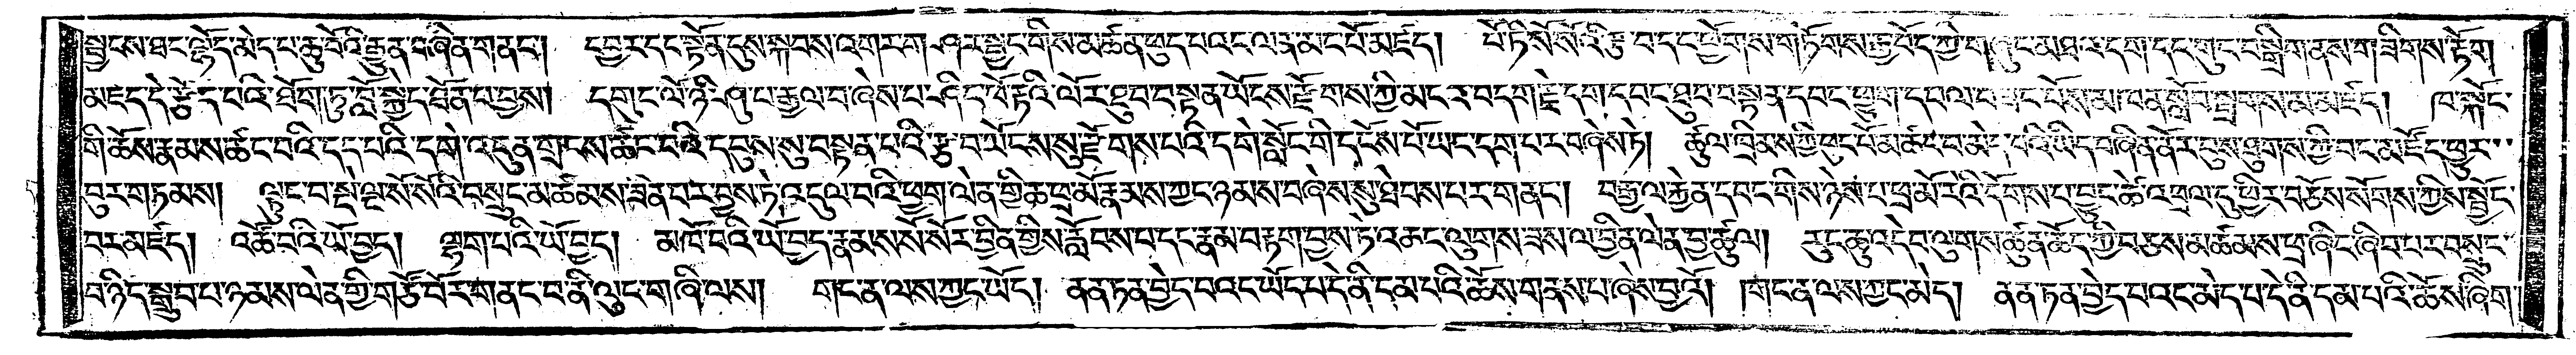སྦྱངས་ཐང་ལྷད?་མད་པ་ཆུ་བོའི་རྒྱུན་བཞིན་གནང་། དབྱར་དང་སྟོན་དུས་སྐབས་འགར་གཤར་སྦྱང་གིས་མཚན་ཕུད་བའང་ལན་མང་པོ་མཛད། པོ་ཏི་སོ་སོའི་རྩ་བ་དང་ཕྱོགས་གཏོགས་རྒྱ་བོད་ཀྱི་གཞུང་མཐའ་དག་དང་གུང་བསྒྲིག་ནས་གཟིགས་རྟོག་
མཛད་དེ་རྩོད་པའི་ཐོག་ཏུ་བློ་སྐྱེད་ཐོན་པ་བྱས། དགུང་ལོ་ཉི་ཤུ་པ་རྒྱལ་བ་ཞེས་པ་ཤིང་ཕོ་རྟའི་ལོར་ཐུབ་བསྟན་ཡོངས་རྫོགས་ཀྱི་མངར་བདག་རྗེ་དག་དབང་ཐུབ་བསྟན་དབང་ཕྱུག་དཔལ་བཟང་པོས་མཁན་སློབ་སྦྲགས་མ་མཛད། ཁ་སྐོང་
གི་ཆོས་རྣམས་ཚང་བའི་དད་པའི་དགེ་འདུན་གྲངས་ཚང་བའི་དབུས་སུ་བསྟན་པའི་རྩ་བ་ཡོངས་སུ་རྫོགས་པའི་དགེ་སློང་གི་དངོས་པོ་ཡང་དག་པར་བཞེས་ཏེ། ཚུལ་ཁྲིམས་ཀྱི་ཕུང་པོ་མཚང་བ་མེད་པའི་ཡིད་བཞིན་ནོར་བུས་ཐུགས་ཀྱི་བང་མཛོད་ཕྱུར་
བུར་གཏམས། ལྟུང་བ་སྔ་ལྔ་སོ་སོའི་བསྲུང་མཚམས་ཟིན་བར་བྱས་ཏེ་འདུལ་བའི་ཕྱག་ལེན་གྱི་ཆ་ཕྲ་མོ་རྣམས་ཀྱང་ཉམས་བཞེས་སུ་ཐེབས་པར་གནང་། བརྒྱ་ལ་རྐྱེན་དང་ང་གིས་ཉེས་པ་ཕྲ་མོ་རེའི་དོགས་པ་བྱུང་ཚེ་འཕྲལ་དུ་ཕྱིར་བཅོས་སོགས་ཀྱིས་སྦྱོང་
བར་མཛད། འཚོ་བའི་ཡོ་བྱད། ལྷག་པའི་ཡོ་བྱད། མཁོ་བའི་ཡོ་བྱད་རྣམས་སོ་སོར་བྱིན་གྱིས་རློབས་པ་དང་རྣམ་བརྟག་བྱས་ཏེ་འཆང་ལུགས་ཟས་ལ་བྱིན་ལེན་བྱ་ཚུལ། རུང་ཆུ་འདེབ་ལུགས་ཚུན་ཆོད་ཀྱི་འཆས་མཚམས་ཕྲ་ཞིང་ཞིབ་པར་བསྲུང་
བ་ཉིད་སྒྲུབ་པ་ཉམས་ལེན་གྱི་གཙོ་བོར་གནང་བ་ནི་ལུང་གཞི་ལས། གང་ན་ལས་ཀྱང་ཡོད། ནན་ཏན་བྱེད་པའང་ཡོད་པ་དེ་ནི་དམ་པའི་ཆོས་གནས་པ་ཞེས་བྱའོ། །གང་ན་ལས་ཀྱང་མེད། ནན་ཏན་བྱེད་པའང་མེད་པ་དེ་ནི་དམ་པའི་ཆོས་ཞིག་